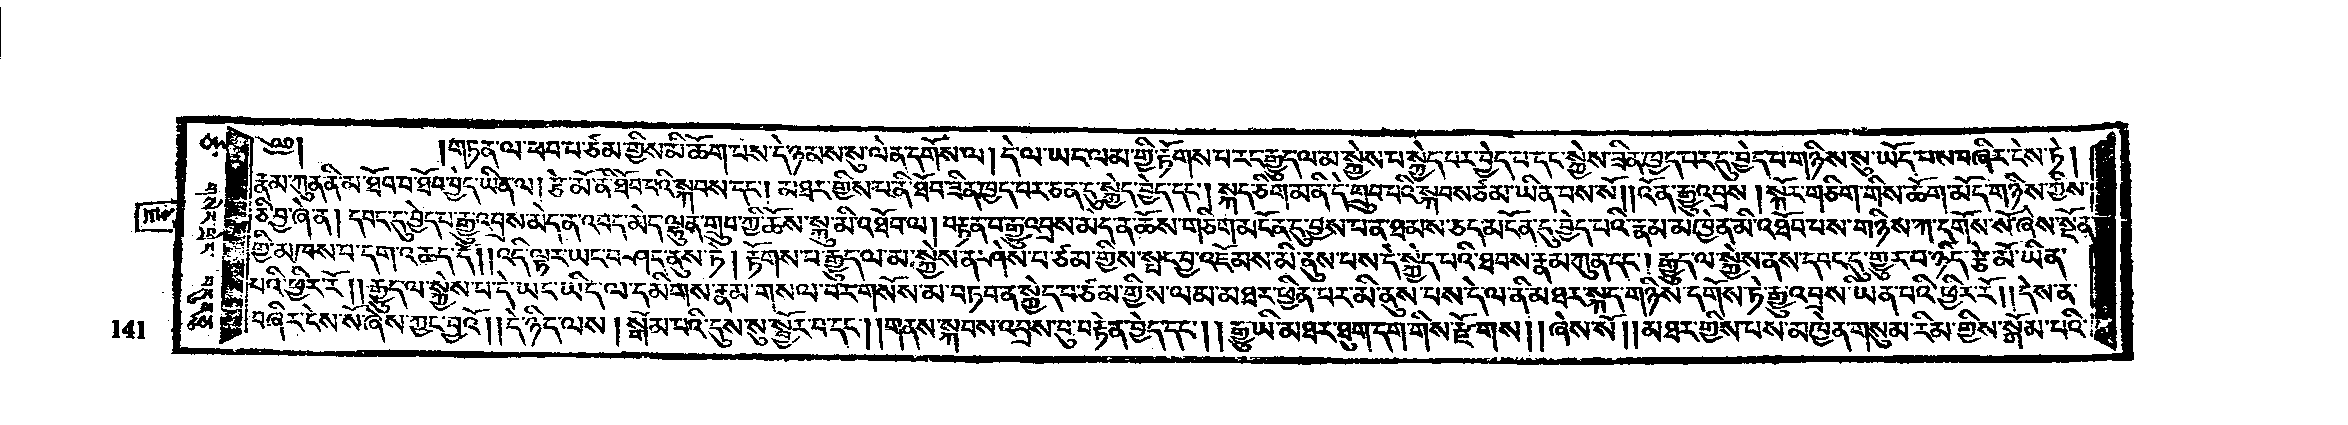༄༅། །གཏན་ལ་ཕབ་པ་ཙམ་གྱིས་མི་ཆོག་པས་དེ་ཉམས་སུ་ལེན་དགོས་ལ། དེ་ལ་ཡང་ལམ་གྱི་རྟོགས་པ་རང་རྒྱུད་ལ་མ་སྐྱེས་པ་སྐྱེད་པར་བྱེད་པ་དང་སྐྱེས་ཟིན་ཁྱད་པར་དུ་བྱེད་པ་གཉིས་སུ་ཡོད་པས་བཞིར་ངེས་ཏེ།
རྣམ་ཀུན་ནི་མ་ཐོབ་པ་ཐོབ་བྱེད་ཡིན་ལ། རྩེ་མོ་ནི་ཐོབ་པའི་སྐབས་དང་། མཐར་གྱིས་པ་ནི་ཐོབ་ཟིན་ཁྱད་པར་ཅན་དུ་སྐྱེད་བྱེད་དང་། སྐད་ཅིག་མ་ནི་དེ་གྲུབ་པའི་སྐབས་ཙམ་ཡིན་པས་སོ། །འོ་ན་རྒྱུ་འབྲས། སྐོར་གཅིག་གིས་ཆོག་མོད་གཉིས་ཀྱིས་
ཅི་བྱ་ཞེ་ན། དབང་དུ་བྱེད་པ་རྒྱུ་འབྲས་མེད་ན་འབད་མེད་ལྷུན་གྲུབ་ཀྱི་ཆོས་སྐུ་མི་འཐོབ་ལ། བརྟན་པ་རྒྱུ་འབྲས་མེད་ན་ཆོས་གཅིག་མངོན་དུ་བྱས་པ་ན་ཐམས་ཅད་མངོན་དུ་བྱེད་པའི་རྣམ་མཁྱེན་མི་འཐོབ་པས་གཉིས་ཀ་དགོས་སོ་ཞེས་སྔོན་
གྱི་མཁས་པ་དག་འཆད་དོ། །འདི་ལྟར་ཡང་བཤད་ནུས་ཏེ། རྟོགས་པ་རྒྱུད་ལ་མ་སྐྱེས་ན་ཤེས་པ་ཙམ་གྱིས་སྤང་བྱ་འཇོམས་མི་ནུས་པས་དེ་སྐྱེད་པའི་ཐབས་རྣམ་ཀུན་དང་། རྒྱུད་ལ་སྐྱེས་ནས་དབང་དུ་གྱུར་པ་ཉིད་རྩེ་མོ་ཡིན་
པའི་ཕྱིར་རོ། །རྒྱུད་ལ་སྐྱེས་པ་དེ་ཡང་ཡིད་ལ་དམིགས་རྣམ་གསལ་བར་གསོས་མ་བཏབ་ན་སྐྱེད་པ་ཙམ་གྱིས་ལམ་མཐར་ཕྱིན་པར་མི་ནུས་པས་དེ་ལ་ནི་མཐར་སྐད་གཉིས་དགོས་ཏེ་རྒྱུ་འབྲས་ཡིན་པའི་ཕྱིར་རོ། །དེས་ན་
བཞིར་ངེས་སོ་ཞེས་ཀྱང་བྱའོ། །དེ་ཉིད་ལས། སྒོམ་པའི་དུས་སུ་སྦྱོར་བ་དང་། །གནས་སྐབས་འབྲས་བུ་བརྟེན་བྱེད་དང་། །རྒྱུ་ཡི་མཐར་ཐུག་དག་གིས་རྫོགས། །ཞེས་སོ། །མཐར་གྱིས་པས་མཁྱེན་གསུམ་རིམ་གྱིས་སྒོམ་པའི་